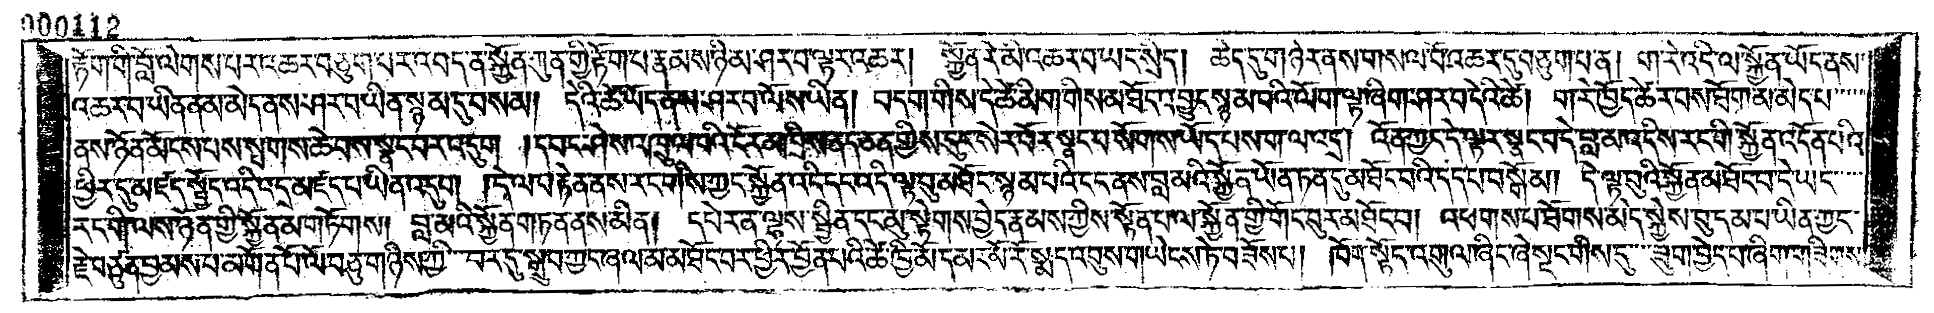རྟོག་གི་བློ་ལེགས་པར་འཆར་བཅུག་པར་འབད་ན་སྐྱོན་ཀུན་གྱི་རྟོག་པ་རྣམས་ཉི་མ་ཤར་བ་ལྟར་འཆར། སྐྱོན་རེ་མི་འཆར་བ་ཡང་སྲིད། ཆེད་དུ་གཉེར་ནས་གསལ་པོ་འཆར་དུ་བཅུག་པ་ན། ག་རེ་འདི་ལ་སྐྱོན་ཡོད་ནས་
འཆར་བ་ཡིན་ནམ་མེད་ནས་ཤར་བ་ཡིན་སྙམ་དུ་བསམ། དེའི་ཚེ་ཡོད་ནས་ཤར་བ་ལོས་ཡིན། བདག་གིས་དེ་ཚེ་མིག་གིས་མཐོང་འབྱུང་སྙམ་བའི་ལོག་ལྟ་ཞིག་ཤར་བ་དེའི་ཚེ། ག་རེ་ཁྱོད་ཚེར་བས་ཐོག་མ་མེད་པ་
ནས་ཉོན་མོངས་པས་སྤགས་ཆེ་བས་སྣང་བར་འདུག །དབང་ཤེས་འཁྲུལ་བའི་ངོར་མཁྲིས་ནད་ཅན་གྱིས་དུང་སེར་པོར་སྣང་བ་སོགས་ཡོད་པས་ག་ལ་འདྲ། འོན་ཀྱང་དེ་ལྟར་སྣང་བ་དེ་བླ་མ་འདིས་རང་གི་སྐྱོན་འདོན་པའི་
ཕྱིར་དུ་མཛད་སྤྱོད་འདི་འདྲ་མཛད་པ་ཡིན་འདུག །དེ་ལ་བརྟེན་ནས་རང་གིས་ཀྱང་སྐྱོན་འདི་དང་འདི་ལྟ་བུ་མཐོང་སྙམ་པའི་ངང་ནས་བླ་མའི་སྐྱོན་ཡོན་ཏན་དུ་མཐོང་བའི་དད་པ་བསྒོམ། དེ་ལྟ་བུའི་སྐྱོན་མཐོང་བ་དེ་ཡང་
རང་གི་ལས་ཉོན་གྱི་སྐྱོན་མ་གཏོགས། བླ་མའི་སྐྱོན་གཏན་ནས་མིན། དཔེར་ན་ལྷས་སྦྱིན་དང་མུ་སྟེགས་བྱེད་རྣམས་ཀྱིས་སྟོན་པ་ལ་སྐྱོན་གྱི་གོང་བུར་མཐོང་བ། འཕགས་པ་ཐོགས་མེད་སྐྱེས་བུ་དམ་པ་ཡིན་ཀྱང་
རྗེ་བཙུན་བྱམས་པ་མགོན་པོ་ལོ་བཅུ་གཉིས་ཀྱི་བར་དུ་སྒྲུབ་ཀྱང་ཞལ་མ་མཐོང་བར་ཕྱིར་བྱོན་པའི་ཚེ་ཁྱི་མོ་དམར་མོ་རོ་སྨད་འབུས་གཡེངས་ཏེ་བཟོས་པ། ཁོག་སྟོད་འགུལ་ཞིང་ཞེ་སྡང་གིས་དུ་ཟུག་བྱེད་པ་ཞིག་གཟིགས་